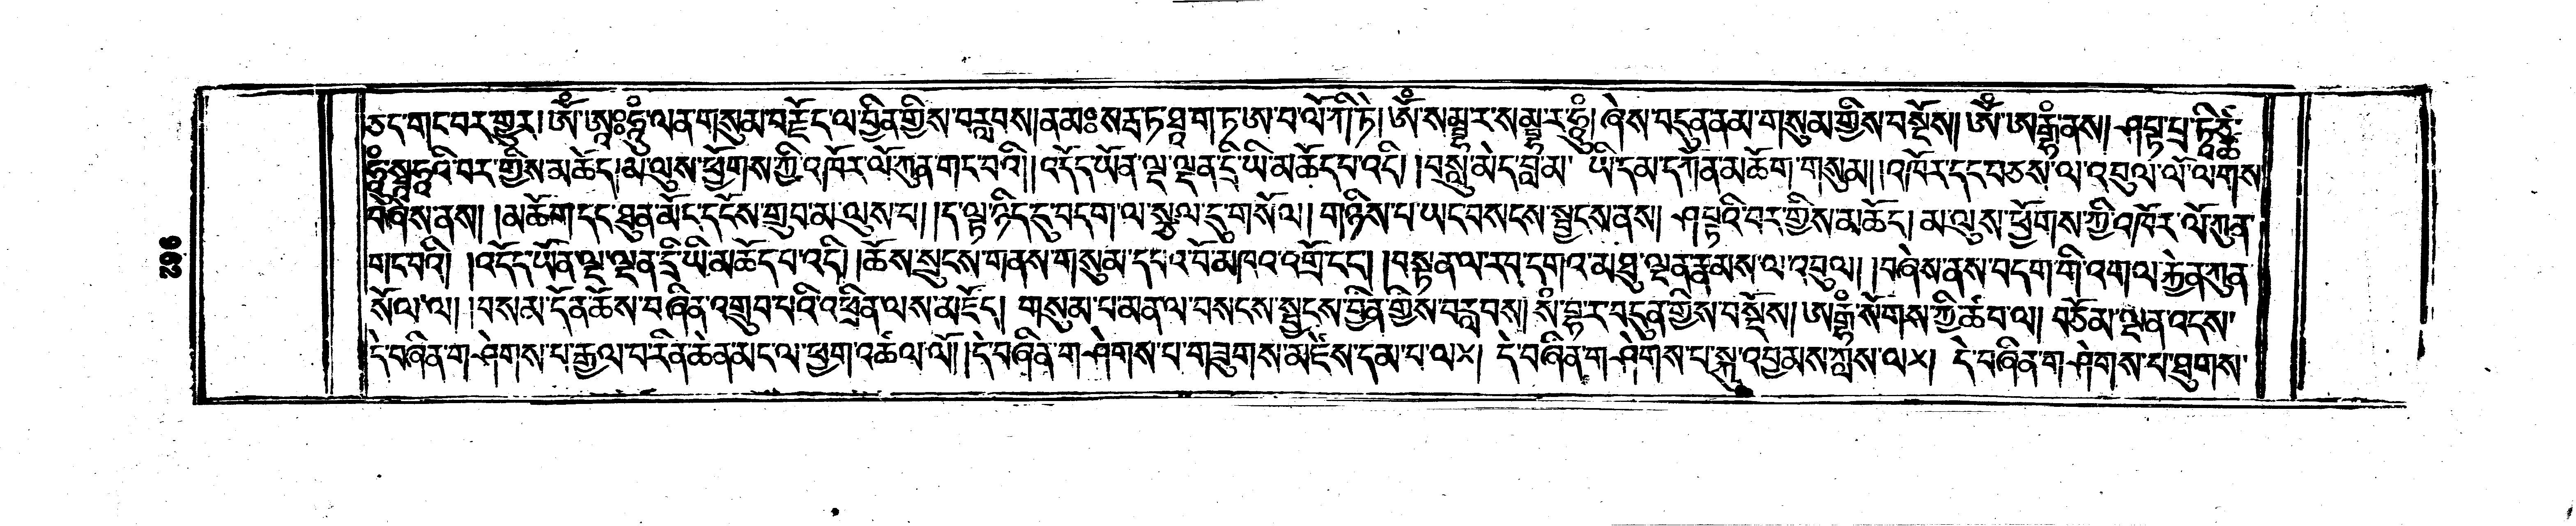ཅད་གང་བར་གྱུར། ཨོཾ་ཨཱཿ ཧཱུཾ་ལན་གསུམ་བརྗོད་ལ་བྱིན་གྱིས་བརླབས། ན་མཿ སརྦ་ཏ་ཐཱ་ག་ཏ་ཨ་བ་ལོ་ཀི་ཏེ། ཨོཾ་སམྦྷ་ར་སམྦྷ་ར་ཧཱུཾ། ཞེས་བདུན་ནམ་གསུམ་གྱིས་བསྔོས། ཨོཾ་ཨརྒྷཾ་ནས། ཤཔྟ་པྲ་ཏཱི་ཙྪ་
ཧཱུཾ་སྭཱཧཱའི་བར་གྱིས་མཆོད། མ་ལུས་ཕྱོགས་ཀྱི་འཁོར་ལོ་ཀུན་གང་བའི། །འདོད་ཡོན་ལྔ་ལྡན་དྲི་ཡི་མཆོད་པ་འདི། །བསླུ་མེད་བླ་མ་ཡི་དམ་དཀོན་མཆོག་གསུམ། །འཁོར་དང་བཅས་ལ་འབུལ་ལོ་ལེགས་
བཞེས་ནས། །མཆོག་དང་ཐུན་མོང་དངོས་གྲུབ་མ་ལུས་པ། །ད་ལྟ་ཉིད་དུ་བདག་ལ་སྩལ་དུ་གསོལ། གཉིས་པ་ཡང་བསངས་སྦྱངས་ནས། ཤཔྟའི་བར་གྱིས་མཆོད། མ་ལུས་ཕྱོགས་ཀྱི་འཁོར་ལོ་ཀུན་
གང་བའི། །འདོད་ཡོན་ལྔ་ལྡན་དྲི་ཡི་མཆོད་པ་འདི། །ཆོས་སྲུངས་གནས་གསུམ་དཔའ་བོ་མཁའ་འགྲོ་དང་། །བསྟན་ལ་རབ་དགའ་མཐུ་ལྡན་རྣམས་ལ་འབུལ། །བཞེས་ནས་བདག་གི་འགལ་རྐྱེན་ཀུན་སོལ་ལ། །བསམ་དོན་ཆོས་བཞིན་འགྲུབ་པའི་འཕྲིན་ལས་མཛོད། གསུམ་པ་མན་ལ་བསངས་སྦྱངས་བྱིན་གྱིས་བརླབས། སཾ་བྷ་ར་བདུན་གྱིས་བསྔོས། ཨརྒྷཾ་སོགས་ཀྱི་ཚ་བ་ལ། བཅོམ་ལྡན་འདས་
དེ་བཞིན་གཤེགས་པ་རྒྱལ་བ་རིན་ཆེན་མང་ལ་ཕྱག་འཚལ་ལོ། །དེ་བཞིན་གཤེགས་པ་གཟུགས་མཛེས་དམ་པ་ལ་྾། དེ་བཞིན་གཤེགས་པ་སྐུ་འབྱམས་ཀླས་ལ་྾། དེ་བཞིན་གཤེགས་པ་ཐུགས་